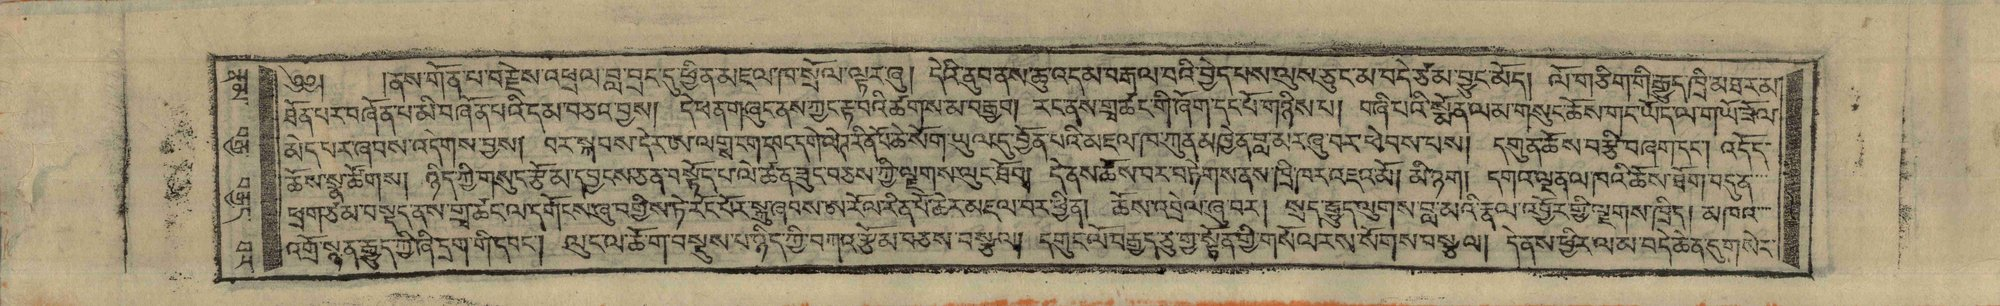༄༅། །ནས་གོན་པ་བརྗེས་འཕྲལ་བླ་བྲང་དུ་ཕྱིན་མཇལ་ཁ་སྲོལ་ལྟར་ཞུ། དེའི་ནུབ་ནས་ཆུ་འདམ་བརྒལ་བའི་བྱེད་པས་ལུས་ཅུང་མ་བདེ་ཙམ་བྱུང་མོད། ལོ་གཅིག་གི་རྒྱུད་ཁྲི་མཐར་མ་
ཐོན་པར་བཞོན་པ་མི་བཞོན་པའི་དམ་བཅའ་བྱས། དེ་ཕན་གཞུང་ནས་ཀྱང་རྟ་བའི་ཚགས་མ་བརྒྱབ། རང་ནས་གྲྭ་ཚང་གི་ཞོག་དང་པོ་གཉིས་པ། བཞི་པའི་སྨོན་ལམ་གསུང་ཆོས་གང་ཡོད་ལ་གཡོ་ཟོལ་
མེད་པར་ཞབས་འདེགས་བྱས། བར་སྐབས་དེར་ཨ་ལགས་ངག་དབང་དགེ་ལེགས་རིན་པོ་ཆེ་སོག་ཡུལ་དུ་བྱོན་པའི་མཇལ་ཁ་ཀུན་མཁྱེན་བླ་མར་ཞུ་བར་ཕེབས་པས། དགུན་ཆོས་བརྩི་བཞག་དང་། འདོད་
ཆོས་སྣ་ཚོགས། ཉིད་ཀྱི་གསུང་རྩོམ་དབྱངས་ཅན་བསྟོད་པ་ལེ་ཚན་ཟུང་བཅས་ཀྱི་ལྗགས་ལུང་ཐོབ། དེ་ནས་ཆོས་བར་བཏེགས་ནས་ཁྲི་ཁར་འཇའ་མོ། མི་ཉག །དགའ་ལྡན་ལ་ཁའི་ཆོས་ཐོག་བདུན་
ཕྲག་ཙམ་བསྡད་ནས་གྲྭ་ཚང་ལ་དགོངས་ཞུ་བགྱིས་ཏེ་རོང་པོར་སྐུ་ཞབས་ཨ་རོལ་རིན་པོ་ཆེར་མཇལ་བར་ཕྱིན། ཆོས་འབྲེལ་ཞུ་བར། སྲད་རྒྱུད་ལུགས་བླ་མའི་རྣལ་འབྱོར་གྱི་ལྗགས་ཁྲིད། མཁའ་
འགྲོ་སྙན་རྒྱུད་ཀྱི་ཞི་དྲག་གི་དབང་། ལུང་ལ་ཆོ་ག་བསྡུས་པ་ཉིད་ཀྱི་བཀའ་རྩོམ་བཅས་བསྩལ། དགུང་ལོ་བརྒྱད་ཅུ་གྱ་སྟོན་གྱི་གསོལ་རས་སོགས་བསྩལ། དེ་ནས་ཕྱིར་ལམ་བདེ་ཆེན་དུ་གསེར་